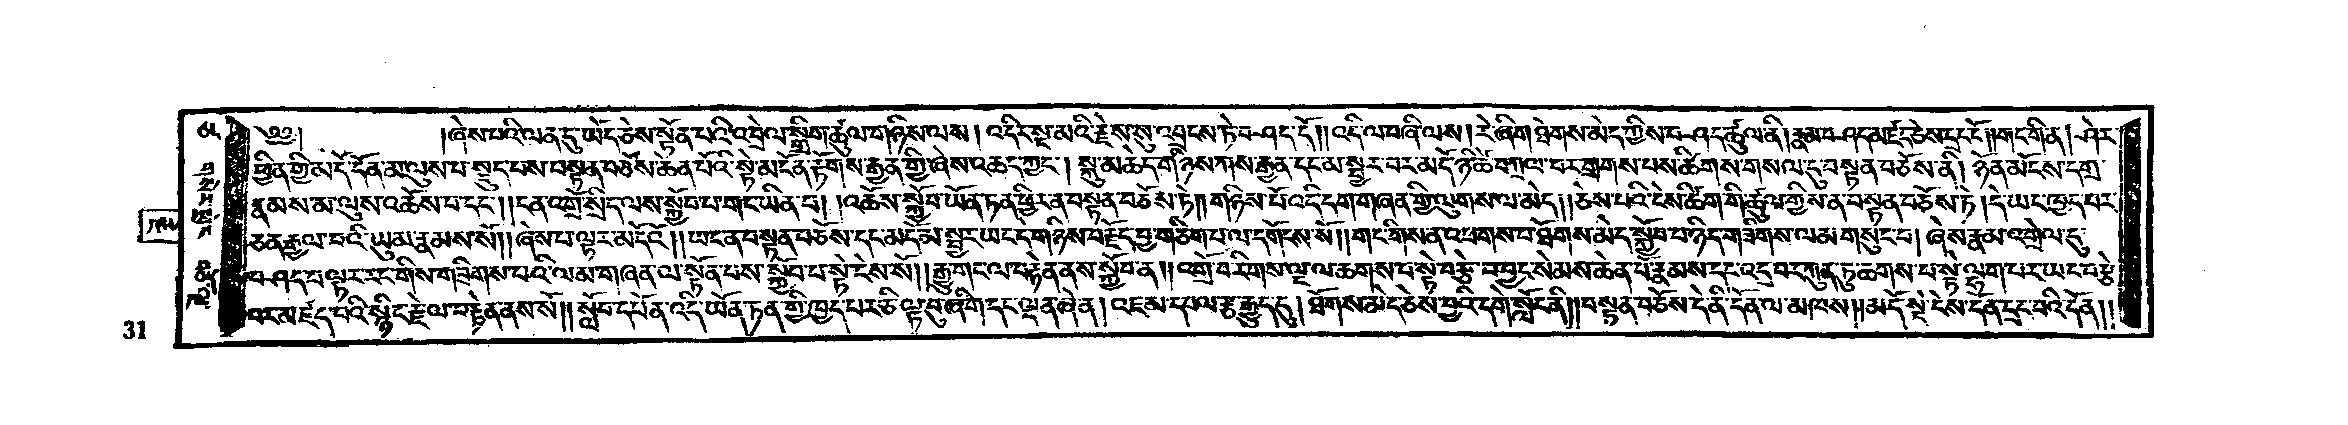༄༅། །ཞེས་པའི་ལན་དུ་ཡོད་ཅེས་སྟོན་པའི་འབྲེལ་སྒྲིག་ཚུལ་གཉིས་ལས། འདིར་སྔ་མའི་རྗེས་སུ་འབྲངས་ཏེ་བཤད་དོ། །འདི་ལ་བཞི་ལས། རེ་ཞིག་ཐོགས་མེད་ཀྱིས་བཤད་ཚུལ་ནི། རྣམ་བཤད་མཛད་ཅེས་དྲང་ངོ། །གང་གི་ན། ཤེར་
ཕྱིན་གྱི་མདོ་དོན་མ་ལུས་པ་སྡུད་པས་བསྟན་བཅོས་ཆེན་པོའི་སྟེ་མངོན་རྟོགས་རྒྱན་གྱི་ཞེས་འཆད་ཀྱང་། སྐུ་མཆེད་གཉིས་ཀས་རྒྱན་དང་མ་སྦྱར་བར་མདོ་ཉི་ཚེ་བཀྲལ་བར་གྲགས་པས་ཚིགས་གསལ་དུ་བསྟན་བཅོས་ནི། ཉོན་མོངས་དགྲ་
རྣམས་མ་ལུས་འཆོས་པ་དང་། །ངན་འགྲོ་སྲིད་ལས་སྐྱོབ་པ་གང་ཡིན་པ། །འཆོས་སྐྱོབ་ཡོན་ཏན་ཕྱིར་ན་བསྟན་བཅོས་ཏེ། །གཉིས་པོ་འདི་དག་གཞན་གྱི་ལུགས་ལ་མེད། །ཅེས་པའི་ངེས་ཚིག་གི་ཚུལ་གྱིས་ན་བསྟན་བཅོས་ཏེ། དེ་ཡང་ཁྱད་པར་
ཅན་རྒྱལ་བའི་ཡུམ་རྣམས་སོ། །ཞེས་པ་ལྟར་མདོའོ། །ཡང་ན་བསྟན་བཅོས་དང་མདོ་མ་སྦྱར་ཡང་དེ་གཉིས་བརྗོད་བྱ་གཅིག་པ་ལ་དགོངས་སོ། །གང་གིས་ན་འཕགས་པ་ཐོགས་མེད་སྐྱོབ་པ་ཉིད་གཟིགས་ལམ་གསུང་བ། ཞེས་རྣམ་འགྲེལ་དུ་
བཤད་པ་ལྟར་རང་གིས་གཟིགས་པའི་ལམ་གཞན་ལ་སྟོན་པས་སྐྱོབ་པ་སྟེ་ངེས་སོ། །རྒྱུ་གང་ལ་བརྟེན་ནས་སྐྱོབ་ན། །འགྲོ་བ་རིགས་ལྔ་ལ་ཆགས་པ་སྟེ་བརྩེ་བ་བྱང་སེམས་ཆེན་པོ་རྣམས་དང་འདྲ་བར་ཀུན་ཏུ་ཆགས་པ་སྟེ་ལྷག་པར་ཡང་བརྩེ་
བར་མཛད་པའི་སྙིང་རྗེ་ལ་བརྟེན་ནས་སོ། །སློབ་དཔོན་འདི་ཡོན་ཏན་གྱི་ཁྱད་པར་ཅི་ལྟ་བུ་ཞིག་དང་ལྡན་ཞེ་ན། འཇམ་དཔལ་རྩ་རྒྱུད་དུ། ཐོགས་མེད་ཅེས་བྱའི་དགེ་སློང་ནི། །བསྟན་བཅོས་དེ་ནི་དོན་ལ་མཁས། །མདོ་སྡེ་ངེས་དོན་དྲང་བའི་དོན། །